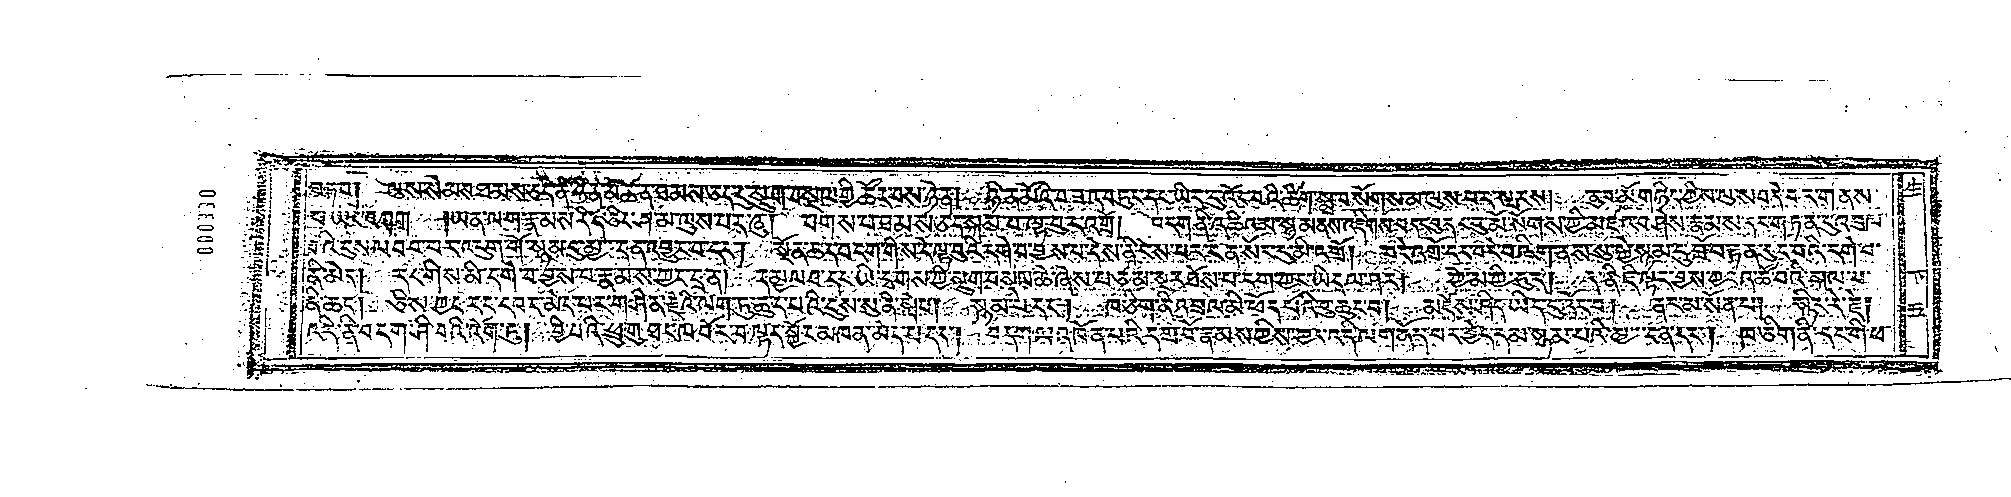བཏབ། ལུས་སེམས་ཐམས་ཅད་ནི་ཉིན་མཚན་ཐམས་ཅད་དུ་སྡུག་བསྔལ་གྱི་ཚོར་བས་ཉེན། ཉིན་མོའི་བཟའ་བཏུང་དང་ཡིད་དུ་འོང་བའི་ཚིག་སྨྲ་བ་སོགས་མ་ལུས་པར་སྤངས། ནུབ་མོ་གཉིད་ཀྱིས་ལུས་བདེ་བར་གནས་
པ་ཡང་བཀག །ཡན་ལག་རྣམས་རིད་ཅིང་ཤ་མ་ལུས་པར་ཞུ། པགས་པ་ཐམས་ཅད་སྐམ་པ་ལྟ་བུར་འགྲོ། བདག་ནི་འཆིའམ་སྙམ་ནས་འཇིགས་པ་དང་བུ་དང་བུ་མོ་སོགས་ཀྱི་མཛའ་བཤེས་རྣམས་དང་གཏན་དུ་འབྲལ་
བའི་དུས་ལ་བབ་པར་འདུག་གོ་སྙམ་དུ་མྱ་ངན་འབྱུང་བ་དང་། སྔོན་ཆད་བདག་གིས་དེ་ལྟ་བུའི་དགེ་བ་བྱས་པ་དེས་ནི་ངེས་པར་ངན་སོང་དུ་མི་འགྲོ། བདེ་འགྲོ་དང་བདེ་བའི་གནས་སུ་སྐྱེ་སྙམ་དུ་བློ་བརྟན་རུང་བའི་དགེ་བ་
ནི་མེད། རང་གིས་མི་དགེ་བ་བྱས་པ་རྣམས་ཀྱང་དྲན། དམྱལ་བ་དང་ཡི་དྭགས་ཀྱི་སྡུག་བསྔལ་ཆེ་ཞེས་པ་ཙམ་སྔར་ཐོས་པ་དག་ཀྱང་ཡིད་ལ་ཤར། ཀྱེ་མ་ཀྱི་ཧུད། ད་ནི་ཇི་ལྟར་བྱས་ཀྱང་འཚོ་བའི་སྐལ་པ་
ནི་ཆད། ཅིས་ཀྱང་རང་དབང་མེད་པར་གཤིན་རྗེའི་ལག་ཏུ་ཆུད་པའི་དུས་སུ་ནི་སླེབ། སྙམ་པ་དང་། ཁ་ཅིག་ནི་འབྲལ་མི་ཕོད་པའི་བུ་ཆུང་བ། མཛེས་ཤིད་ཡིད་དུ་འོང་བ། ནང་མ་སོན་པ། སྙིང་རེ་རྗེ།
འདི་ནི་བདག་ཤི་བའི་འོག་ཏུ། བྱི་པའི་ཕྲུ་གུ་ཐང་ལ་བོར་བ་ལྟར་སྐྱོང་མཁན་མེད་པ་དང་། བདག་ལ་འཁོན་པའི་དགྲ་བོ་རྣམས་ཀྱིས་ཀྱང་འདི་ལ་གནོད་པར་བྱེད་དམ་སྙམ་པའི་མྱ་ངན་དང་། ཁ་ཅིག་ནི་དང་གི་ཕ་